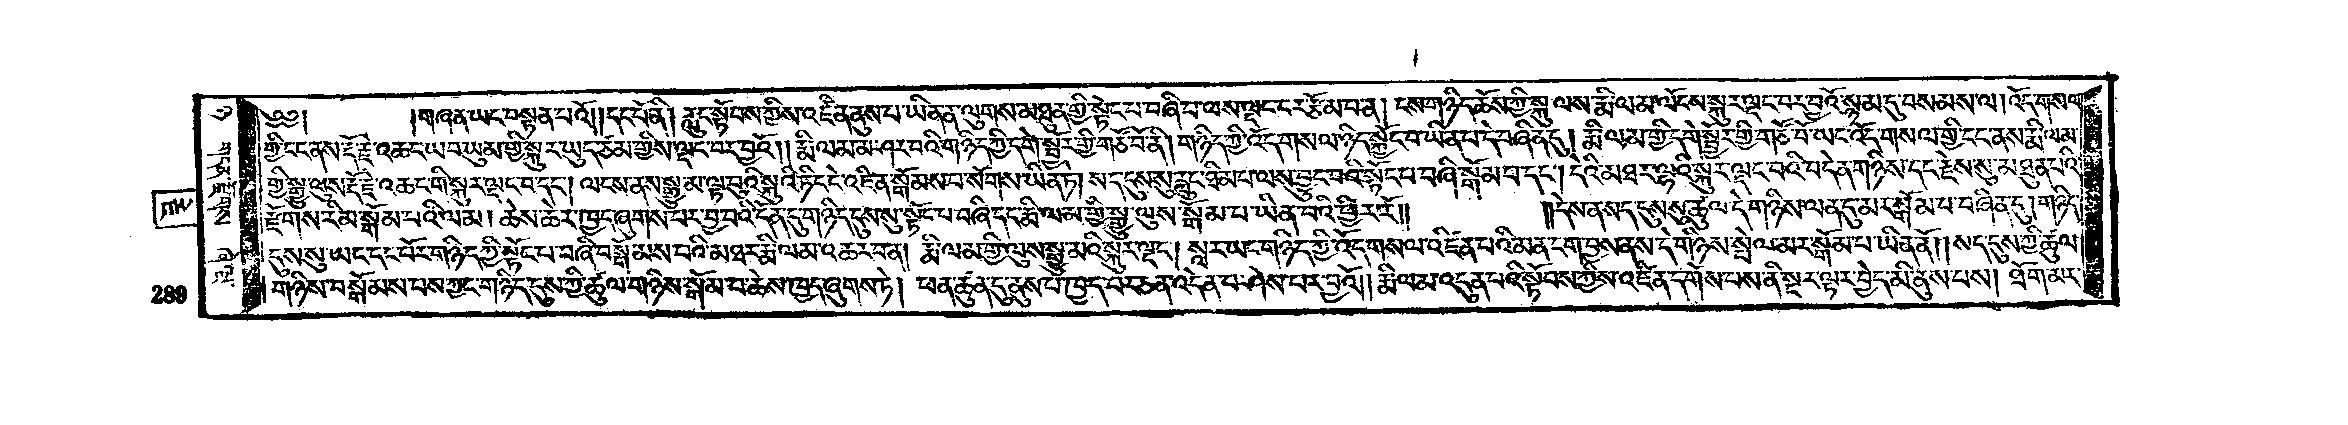༄༅། །གཞན་ཡང་བསྟན་པའོ། །དང་པོ་ནི། རླུང་སྟོབས་ཀྱིས་འཛིན་ནུས་པ་ཡིན་ན་ལུགས་མཐུན་གྱི་སྟོང་པ་བཞི་པ་ལས་ལྡང་བར་རྩོམ་པ་ན། ངས་གཉིད་ཆོས་ཀྱི་སྐུ་ལས་རྨི་ལམ་ལོངས་སྐུར་ལྡང་བར་བྱའོ་སྙམ་དུ་བསམས་ལ། འོད་གསལ་
གྱི་ངང་ནས་རྡོ་རྗེ་འཆང་ཡབ་ཡུམ་གྱི་སྐུར་ཡུད་ཙམ་གྱིས་ལྡང་བར་བྱའོ། །རྨི་ལམ་མ་ཤར་བའི་གཉིད་ཀྱི་དགེ་སྦྱོར་གྱི་གཙོ་བོ་ནི། གཉིད་ཀྱི་འོད་གསལ་ཉིད་སྐྱོང་བ་ཡིན་པ་དེ་བཞིན་དུ། རྨི་ལམ་གྱི་དགེ་སྦྱོར་གྱི་གཙོ་བོ་ཡང་འོད་གསལ་གྱི་ངང་ནས་རྨི་ལམ་
གྱི་སྒྱུ་ལུས་རྡོ་རྗེ་འཆང་གི་སྐུར་ལྡང་བ་དང་། ལངས་ནས་སྒྱུ་མ་ལྟ་བུའི་སྐུའི་ཏིང་ངེ་འཛིན་སྒོམས་པ་སོགས་ཡིན་ཏེ། སད་དུས་སུ་རླུང་ཐིམ་པ་ལས་བྱུང་བའི་སྟོང་པ་བཞི་སྒོམ་པ་དང་། དེའི་མཐར་ལྷའི་སྐུར་ལྡང་བའི་བདེན་གཉིས་དང་རྗེས་སུ་མཐུན་པའི་
རྫོགས་རིམ་སྒོམ་པའི་ལམ། ཆེས་ཆེར་ཁྱད་ཞུགས་པར་བྱ་བའི་དོན་དུ་གཉིད་དུས་སུ་སྟོང་པ་བཞི་དང་རྨི་ལམ་གྱི་སྒྱུ་ལུས་སྒོམ་པ་ཡིན་པའི་ཕྱིར་རོ།། །།དེས་ན་སད་དུས་སུ་ཚུལ་དེ་གཉིས་ལན་དུ་མར་སྒོམ་པ་བཞིན་དུ། གཉིད་
དུས་སུ་ཡང་དང་པོར་གཉིད་ཀྱི་སྟོང་པ་བཞི་བསྒོམས་པའི་མཐར་རྨི་ལམ་འཆར་བ་ན། རྨི་ལམ་གྱི་ལུས་སྒྱུ་མའི་སྐུར་ལྡང་། སླར་ཡང་གཉིད་ཀྱི་འོད་གསལ་འཛིན་པའི་མན་ངག་བྱས་ནས་དེ་གཉིས་སྤེལ་མར་སྒོམ་པ་ཡིན་ནོ། །སད་དུས་ཀྱི་ཚུལ་
གཉིས་བསྒོམས་པས་ཀྱང་གཉིད་དུས་ཀྱི་ཚུལ་གཉིས་སྒོམ་པ་ཆེས་ཁྱད་ཞུགས་ཏེ། ཕན་ཚུན་དུ་ནུས་པ་ཁྱད་པར་ཅན་འདེན་བ་ཤེས་པར་བྱའོ། །རྨི་ལམ་འདུན་པའི་སྟོབས་ཀྱིས་འཛིན་དགོས་པས་ནི་སྔར་ལྟར་བྱེད་མི་ནུས་པས། ཐོག་མར་